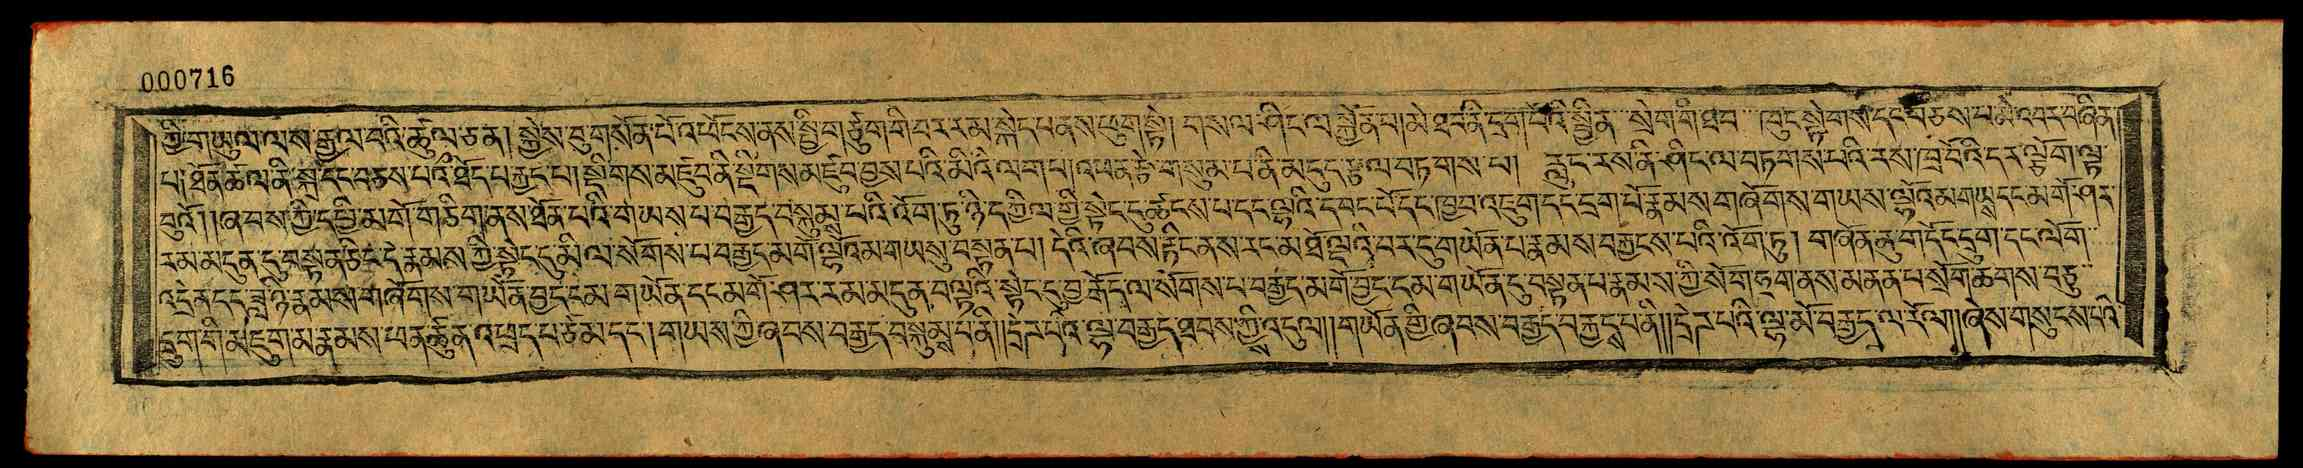ཀྱི་གཡུལ་ལས་རྒྱལ་བའི་ཚུལ་ཅན། སྐྱེས་བུ་གསོན་པོ་འཕོངས་ནས་སྤྱི་གཙུག་གི་བར་རམ་སྐེད་པ་ནས་ཕུག་སྟེ་གསལ་ཤིང་ལ་སྐྱོན་པ། མེ་ཐབ་ནི་དྲག་པོའི་སྦྱིན་སྲེག་གི་ཐབ་ཁུང་སྟེགས་དང་བཅས་པ་མེ་འབར་
བ༑ ཐོང་ཚལ་ནི་སྐྲ་དང་བཅས་པའི་ཐོད་པ་རྐྱང་པ། སྡིགས་མཛུབ་ནི་སྡིགས་མཛུབ་བྱས་པའི་མིའི་ལག་པ། འཕན་རྩེ་གསུམ་པ་ནི་མདུང་རྩེ་གསུམ་པ་ནི་མདུང་རྩེ་ལ་བཏགས་པ། རླུང་རས་ནི་ཤིང་ལ་བཏགས་པའི་རས་ཁྲ་བོའི་དར་ལྕོག་ལྟ་
བུའོ༑ ༑ཞབས་ཀྱི་དཔྱི་མགོ་གཅིག་ནས་ཐོན་པའི་གཡས་པ་བརྒྱད་བསྐུམས་པའི་འོག་ཏུ་ཉི་དཀྱིལ་གྱི་སྟེང་དུ་ཚངས་པ་དང་ལྷའི་དབང་པོ་དང་ཁྱབ་འཇུག་དང་དྲག་པོ་རྣམས་གཞོགས་གཡས་ལྷོའམ་གཡས་དང་མགོ་ཤར་
རམ་མདུན་དུ་བསྟན་ཅིང་དེ་རྣམས་ཀྱི་སྟེང་དུ་མི་ལ་སོགས་པ་བརྒྱད་མགོ་ལྷའམ་གཡས་སུ་བསྟན་པ། དེའི་ཞབས་རྟིང་ནས་རང་མཐོ་ལྔའི་བར་དུ་གཡོན་པ་རྣམས་བརྐྱངས་པའི་འོག་ཏུ། གཞོན་ནུ་གདོང་དྲུག་དང་ལོག་
འདྲེན་དང་ཟླ་ཉི་རྣམས་གཞོགས་གཡོན་བྱང་ངམ་གཡོན་དང་མགོ་ཤར་རམ་མདུན་བལྟའི་སྟེང་དུ་བྱ་རྒོད་ལ་སོགས་པ་བརྒྱད་མགོ་བྱང་ངམ་གཡོན་དུ་བསྟན་པ་རྣམས་ཀྱི་སོག་ཧྲག་ནས་མནན་པ་སྲོག་ཆགས་བཅུ་
དྲུག་གི་མཇུག་མ་རྣམས་ཕན་ཚུན་འཕྲད་པ་ཙམ་དང་། གཡས་ཀྱི་ཞབས་བརྒྱད་བསྐུམས་པ་ནི། །དྲེགས་པའི་ལྷ་བརྒྱད་ཐབས་ཀྱིས་འདུལ། །གཡོན་གྱི་ཞབས་བརྒྱད་བརྐྱངས་པ་ནི། །དྲེགས་པའི་ལྷ་མོ་བརྒྱད་ལ་རོལ། །ཞེས་གསུངས་པའི་